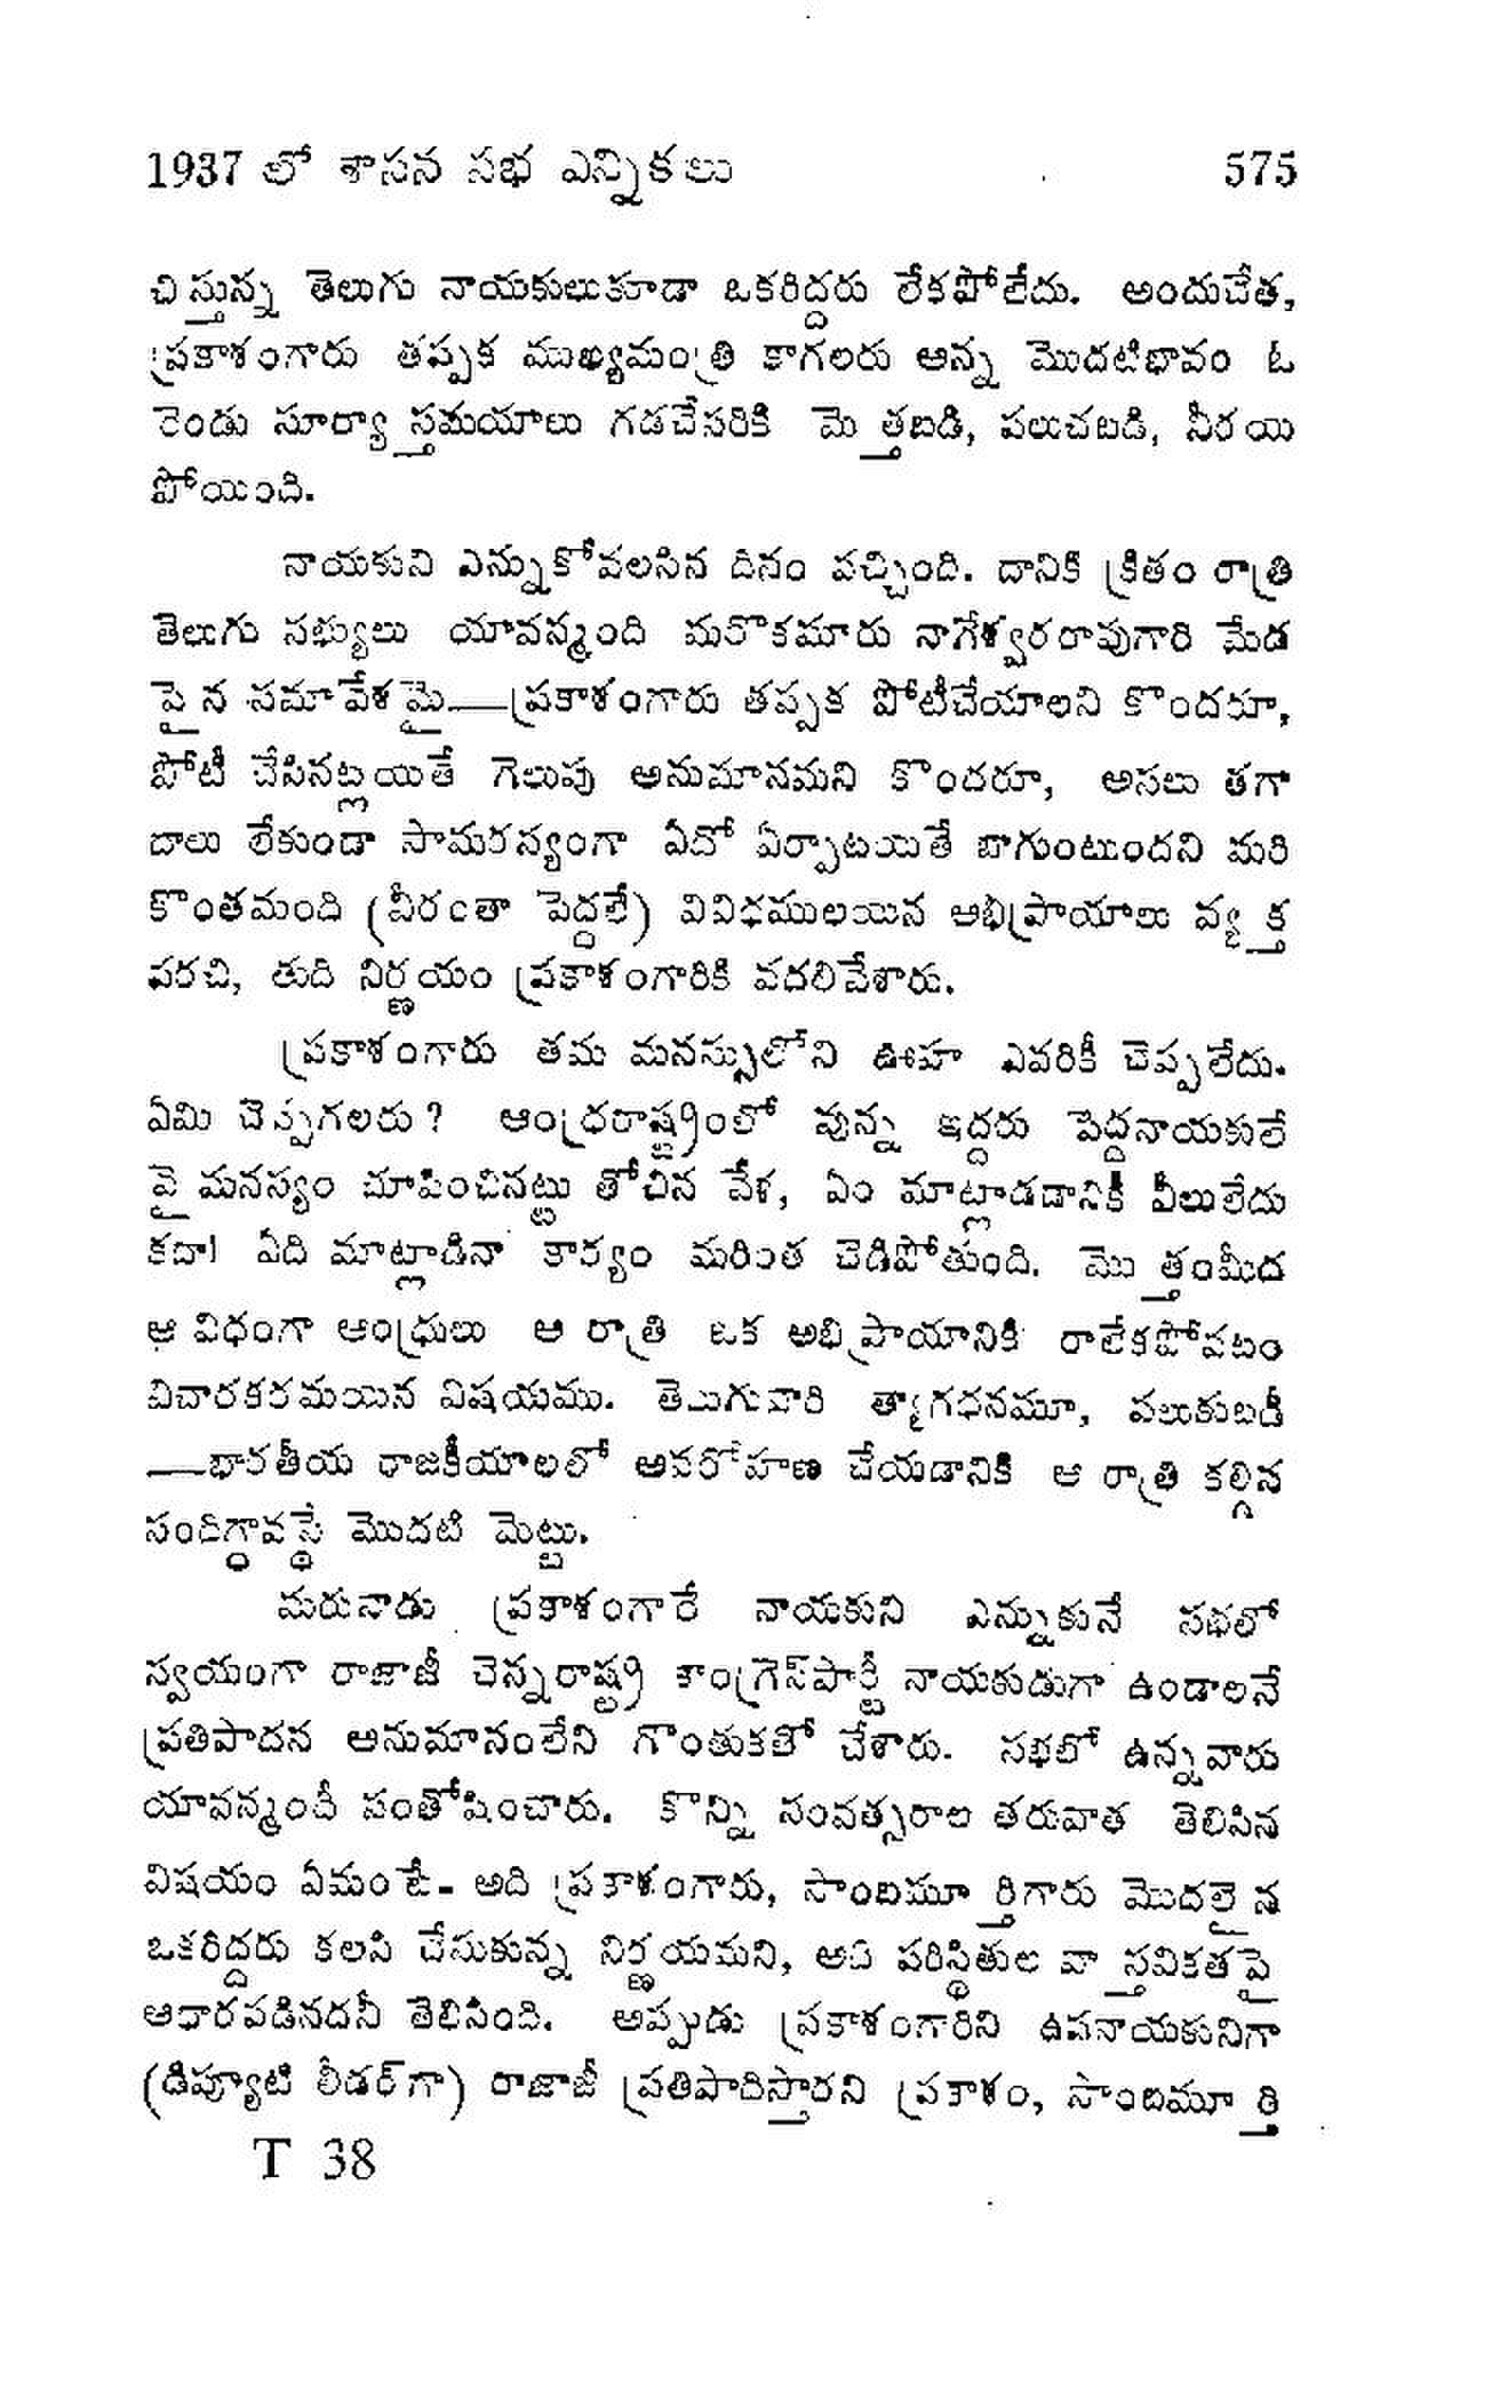చిస్తున్న తెలుగు నాయకులుకూడా ఒకరిద్దరు లేకపోలేదు. అందుచేత, ప్రకాశంగారు తప్పక ముఖ్యమంత్రి కాగలరు అన్న మొదటిభావం ఓ రెండు సూర్యాస్తమయాలు గడచేసరికి మెత్తబడి, పలుచబడి, నీరయి పోయింది.

నాయకుని ఎన్నుకోవలసిన దినం వచ్చింది. దానికి క్రితం రాత్రి తెలుగు సభ్యులు యావన్మంది మరొకమారు నాగేశ్వరరావుగారి మేడపైన సమావేశమై - ప్రకాశంగారు తప్పక పోటీచేయాలని కొందరూ, పోటీ చేసినట్లయితే గెలుపు అనుమానమని కొందరూ, అసలు తగాదాలు లేకుండా సామరస్యంగా ఏదో ఏర్పాటయితే బాగుంటుందని మరికొంత మంది (వీరంతా పెద్దలే) వివిధములయిన అభిప్రాయాలు వ్యక్తపరచి, తుది నిర్ణయం ప్రకాశంగారికి వదలివేశారు.

ప్రకాశంగారు తమ మనస్సులోని ఊహ ఎవరికీ చెప్పలేదు. ఏమి చెప్పగలరు? ఆంధ్రరాష్ట్రంలో వున్న ఇద్దరు పెద్దనాయకులే వై మనస్యం చూపించినట్టు తోచిన వేళ, ఏం మాట్లాడడానికీ వీలులేదు కదా! ఏది మాట్లాడినా కార్యం మరింత చెడిపోతుంది. మొత్తంమీద ఆ విధంగా ఆంధ్రులు ఆ రాత్రి ఒక అభిప్రాయానికి రాలేకపోవటం విచారకర మయిన విషయము. తెలుగువారి త్యాగధనమూ, పలుకుబడీ - భారతీయ రాజకీయాలలో అవరోహణ చేయడానికి ఆ రాత్రి కల్గిన సందిగ్ధావస్థే మొదటి మెట్టు.

మరునాడు ప్రకాశంగారే నాయకుని ఎన్నుకునే సభలో స్వయంగా రాజాజీ చెన్నరాష్ట్ర కాంగ్రెస్‌పార్టీ నాయకుడుగా ఉండాలనే ప్రతిపాదన అనుమానంలేని గొతుకకతో చేశారు. సభలో ఉన్నవారు యావన్మందీ సంతోషించారు. కొన్ని సంవత్సరాల తరువాత తెలిసిన విషయం ఏమంటే - అది ప్రకాశంగారు, సాంబమూర్తిగారు మొదలైన ఒకరిద్దరు కలసి చేసుకున్న నిర్ణయమని, అది పరిస్థితుల వాస్తవికతపై ఆధారపడినదనీ తెలిసింది. అప్పుడు ప్రకాశంగారిని ఉపనాయకునిగా (డిప్యూటి లీడర్‌గా) రాజాజీ ప్రతిపాదిస్తారని ప్రకాశం, సాంబమూర్తి